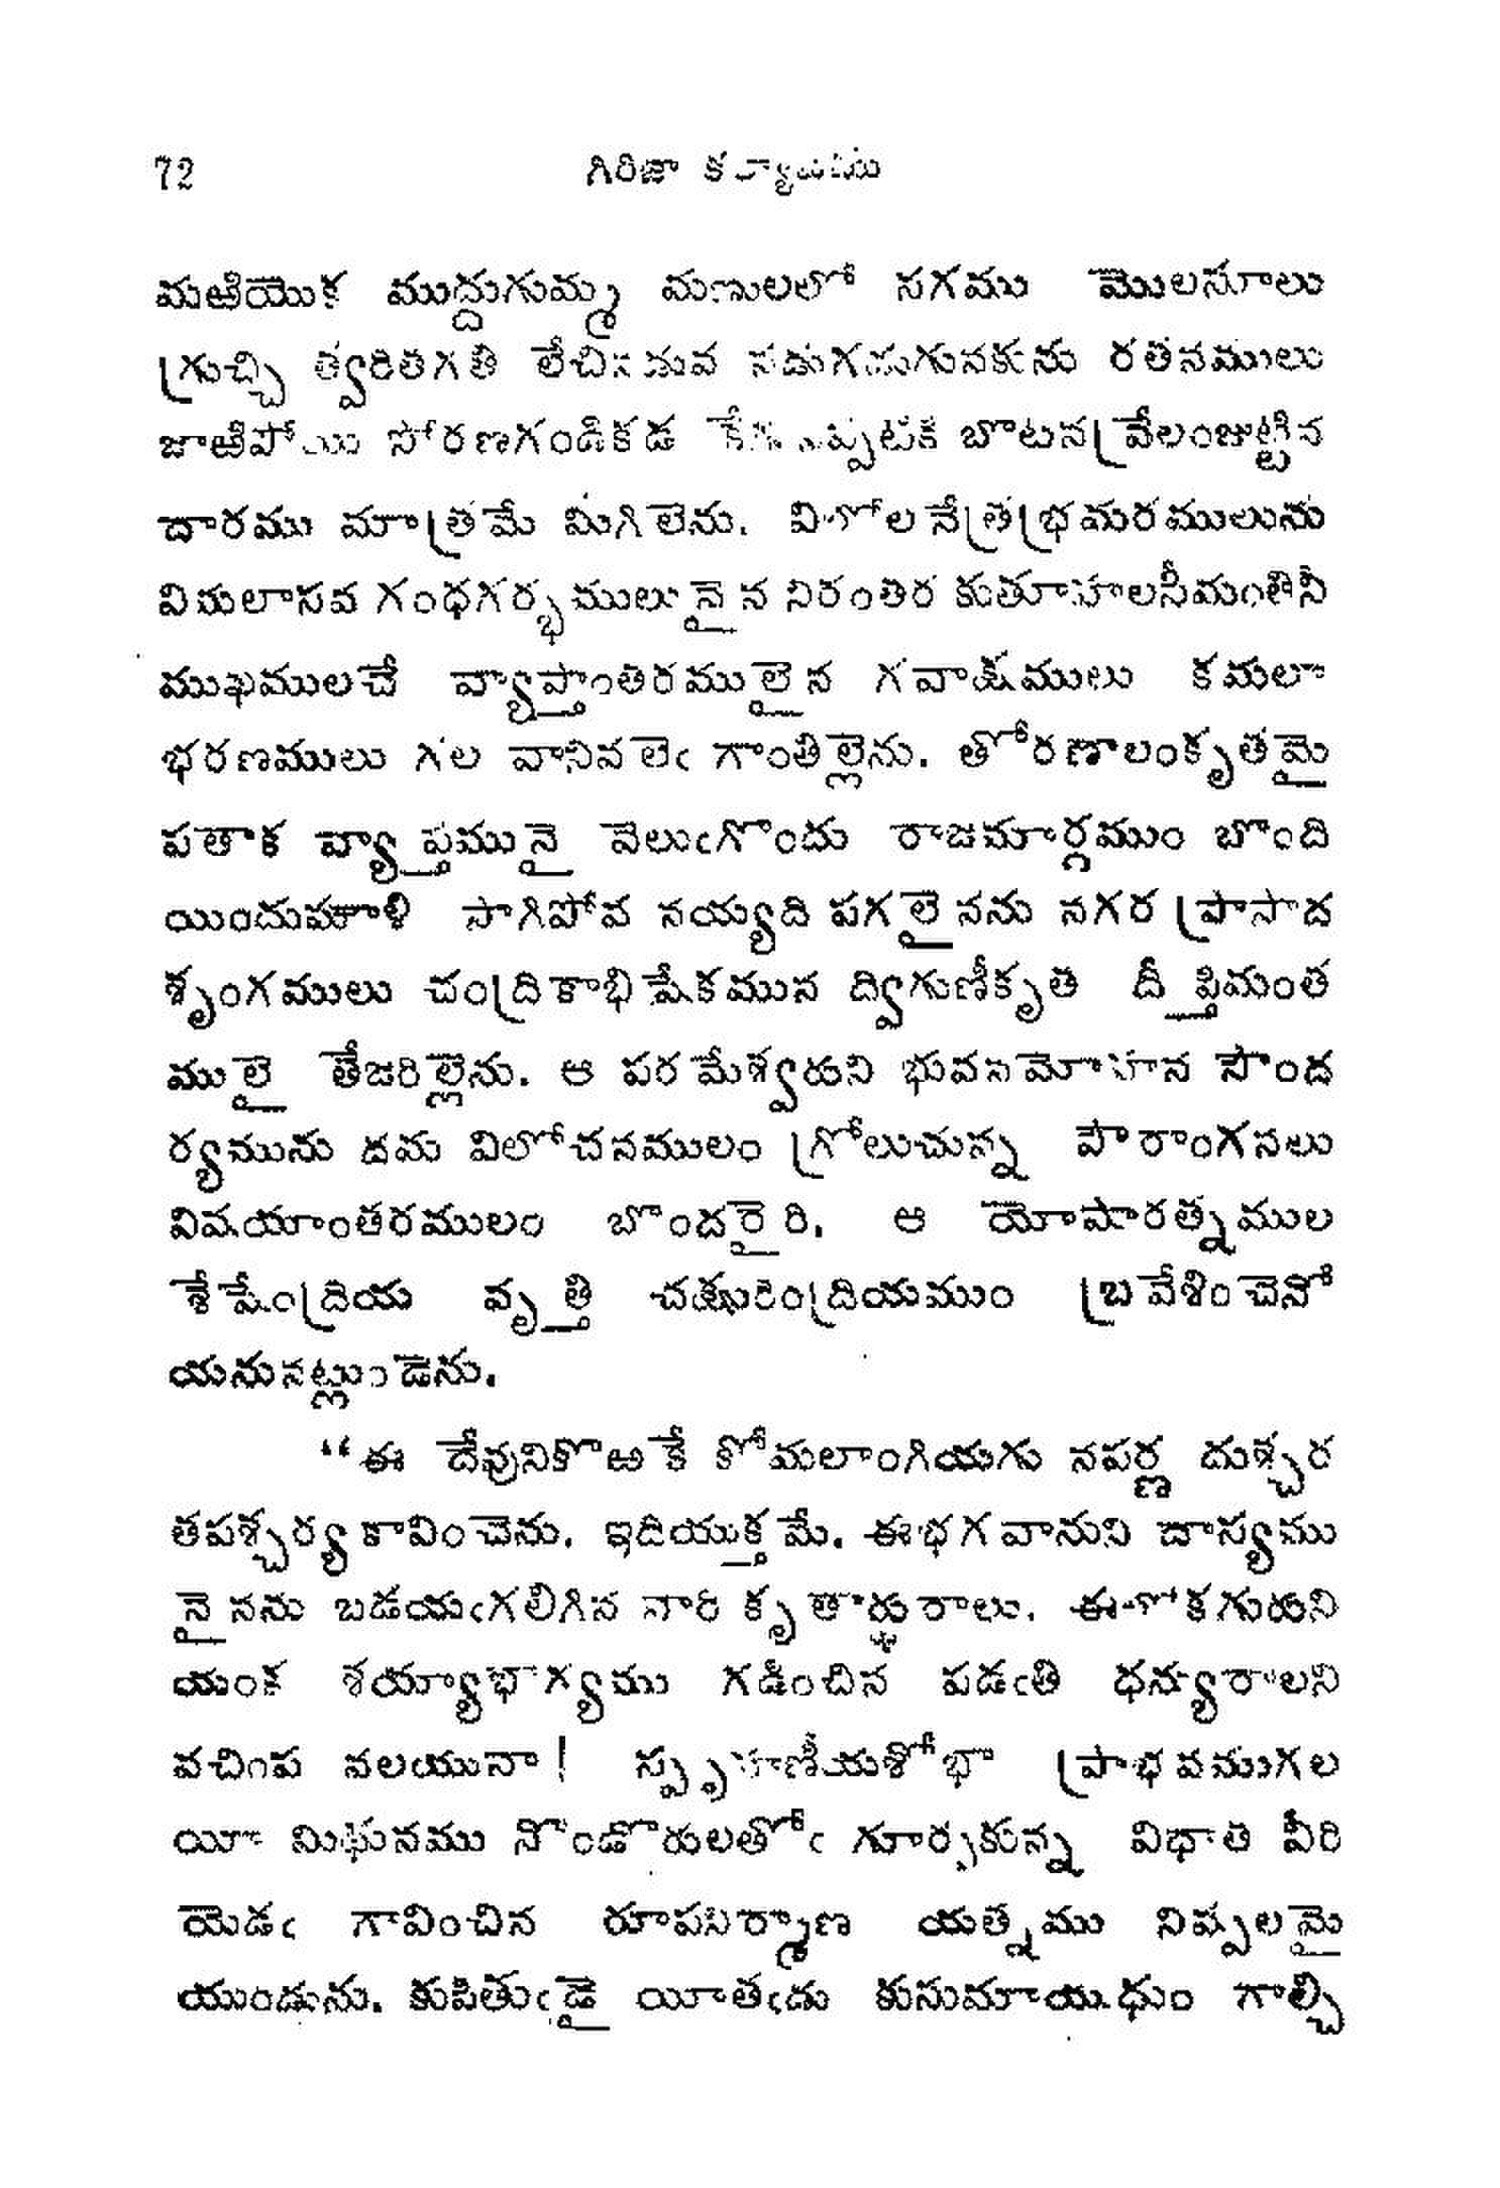మఱియొక ముద్దుగుమ్మ మణులలో సగము మొలనూలు గ్రుచ్చి త్వరితగతి లేచినడువ నడుగడుగునకును రతనములు
జాఱిపోయి సోరణగండికడ కేగునప్పటికి బొటన వ్రేలంజుట్టిన దారము మాత్రమే మిగిలెను. విశాల నేత్ర భ్రమరములును
విమలాసవ గంధగర్భములు నైన నిరంతర కుతూహలసీమంతినీ ముఖములచే వ్యాప్తాంతరములైన గవాక్షములు కమలా
భరణములు గల వాని వలెఁ గాంతిల్లెను. తోరణాలంకృతమై పతాక వ్యాప్తమునై వెలుఁగొందు రాజమార్గముం బొంది
యిందుమౌళి సాగిపోవ నయ్యది పగలైనను నగర ప్రాసాద శృంగములు చంద్రికాభిషేకమున ద్విగుణీకృత దీప్తిమంత
ములై తేజరిల్లెను. ఆ పరమేశ్వరుని భువనమోహన సౌందర్యమును దమ విలోచనములం గ్రోలుచున్న పౌరాంగనలు
విషయాంతరములం బొందరైరి. ఆ యోషారత్నముల శేషేంద్రియ వృత్తి చక్షురింద్రియముం బ్రవేశించెనో యనునట్లుండెను.

"ఈ దేవునికొఱకే కోమలాంగియగు నపర్ణ దుశ్చర తపశ్చర్య కావించెను, ఇది యుక్తమే. ఈభగవానుని దాస్యమునైనను బడయఁగలిగిన వారి కృతార్జురాలు. ఈలొకగురుని యంక శయ్యా భాగ్యము గడించిన పడఁతి ధన్యురాలని వచింప వలయునా ! స్పృహణీయశోభా ప్రాభవముగల యీ మిధునము నొండొరులతోఁ గూర్చకున్న విధాత వీరియెడఁ గావించిన రూపనిర్మాణ యత్నము నిష్పలమై యుండును, కుపితుఁడై యీతఁడు కుసుమాయుధుం గాల్చి